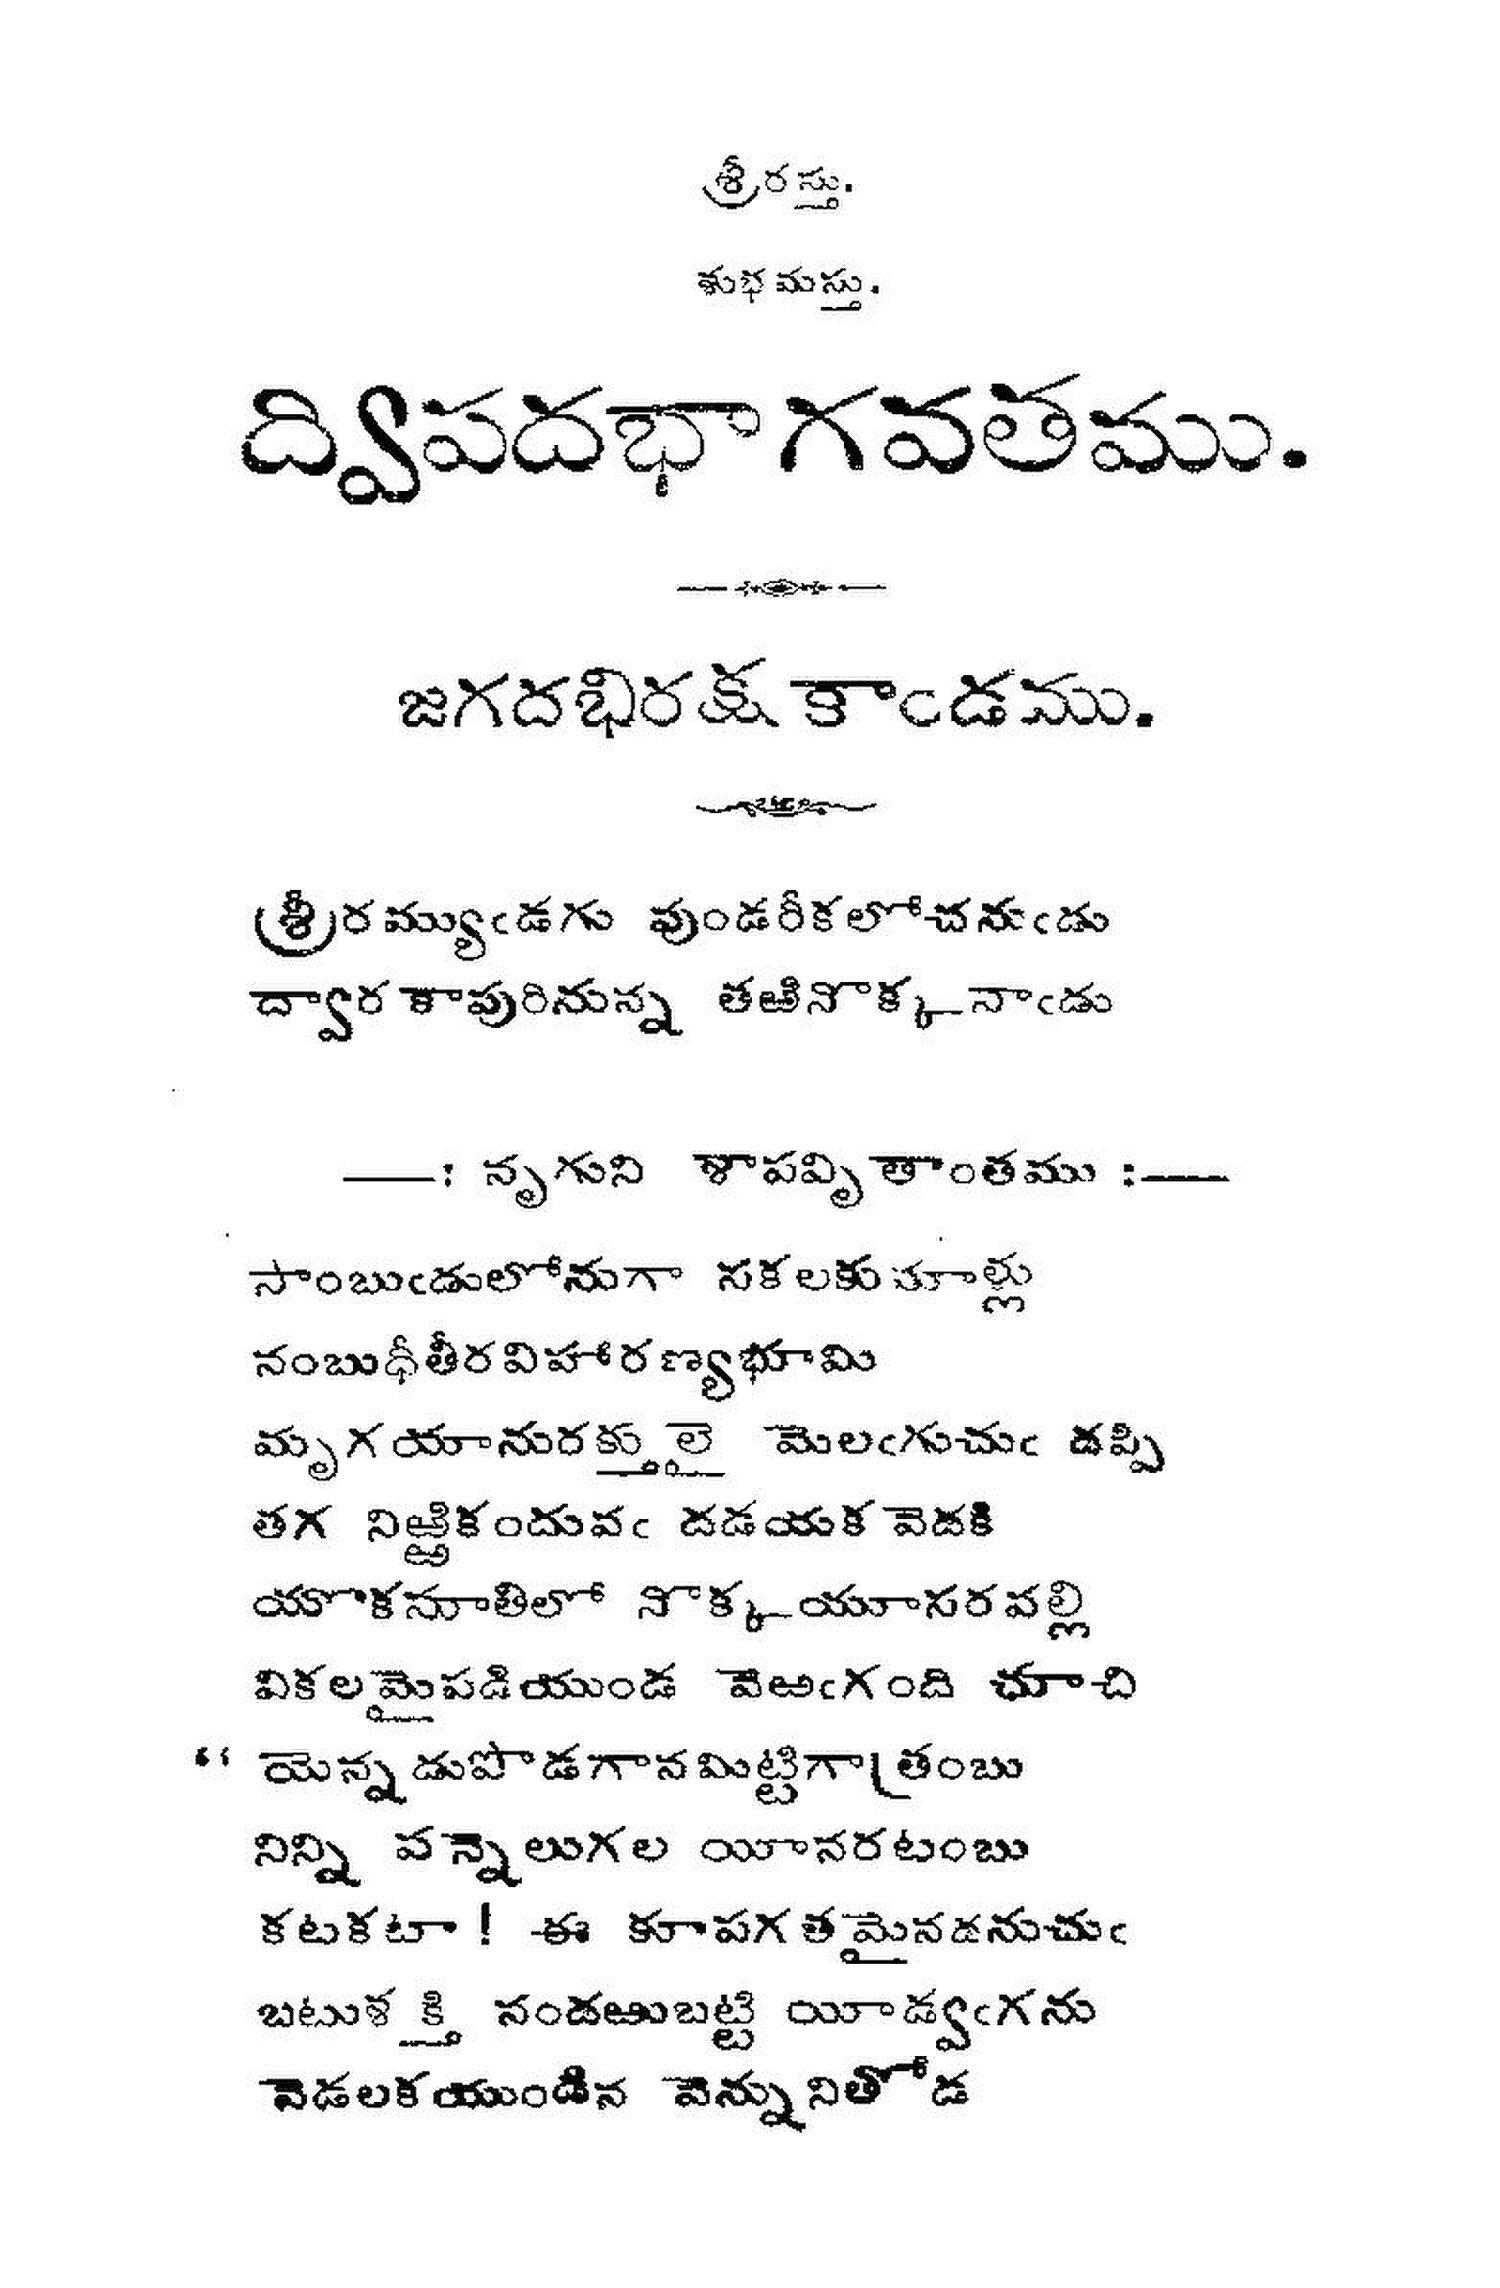శ్రీరమ్యుఁడగు పుండరీకలోచనుఁడు
ద్వారకాపురినున్న తఱి నొక్కనాఁడు

సాంబుఁడులోనుగా సకలకుమాళ్లు
నంబుధీతీరవిహారణ్యభూమి
మృగయానురక్తులై మెలఁగుచుఁ దప్పి
తగ నిఱ్ఱికందువఁ దడయక వెదకి
యొకనూతిలో నొక్క యూసరవల్లి
వికలమైపడియుండ వెఱఁగంది చూచి
“యెన్నడు పొడగాన మిట్టిగాత్రంబు
నిన్ని వన్నెలుగల యీనరటంబు
కటకటా! ఈ కూపగతమైన” దనుచుఁ
బటుశక్తి నందఱుబట్టి యీడ్వఁగను
వెడలకయుండిన వెన్నునితోడ